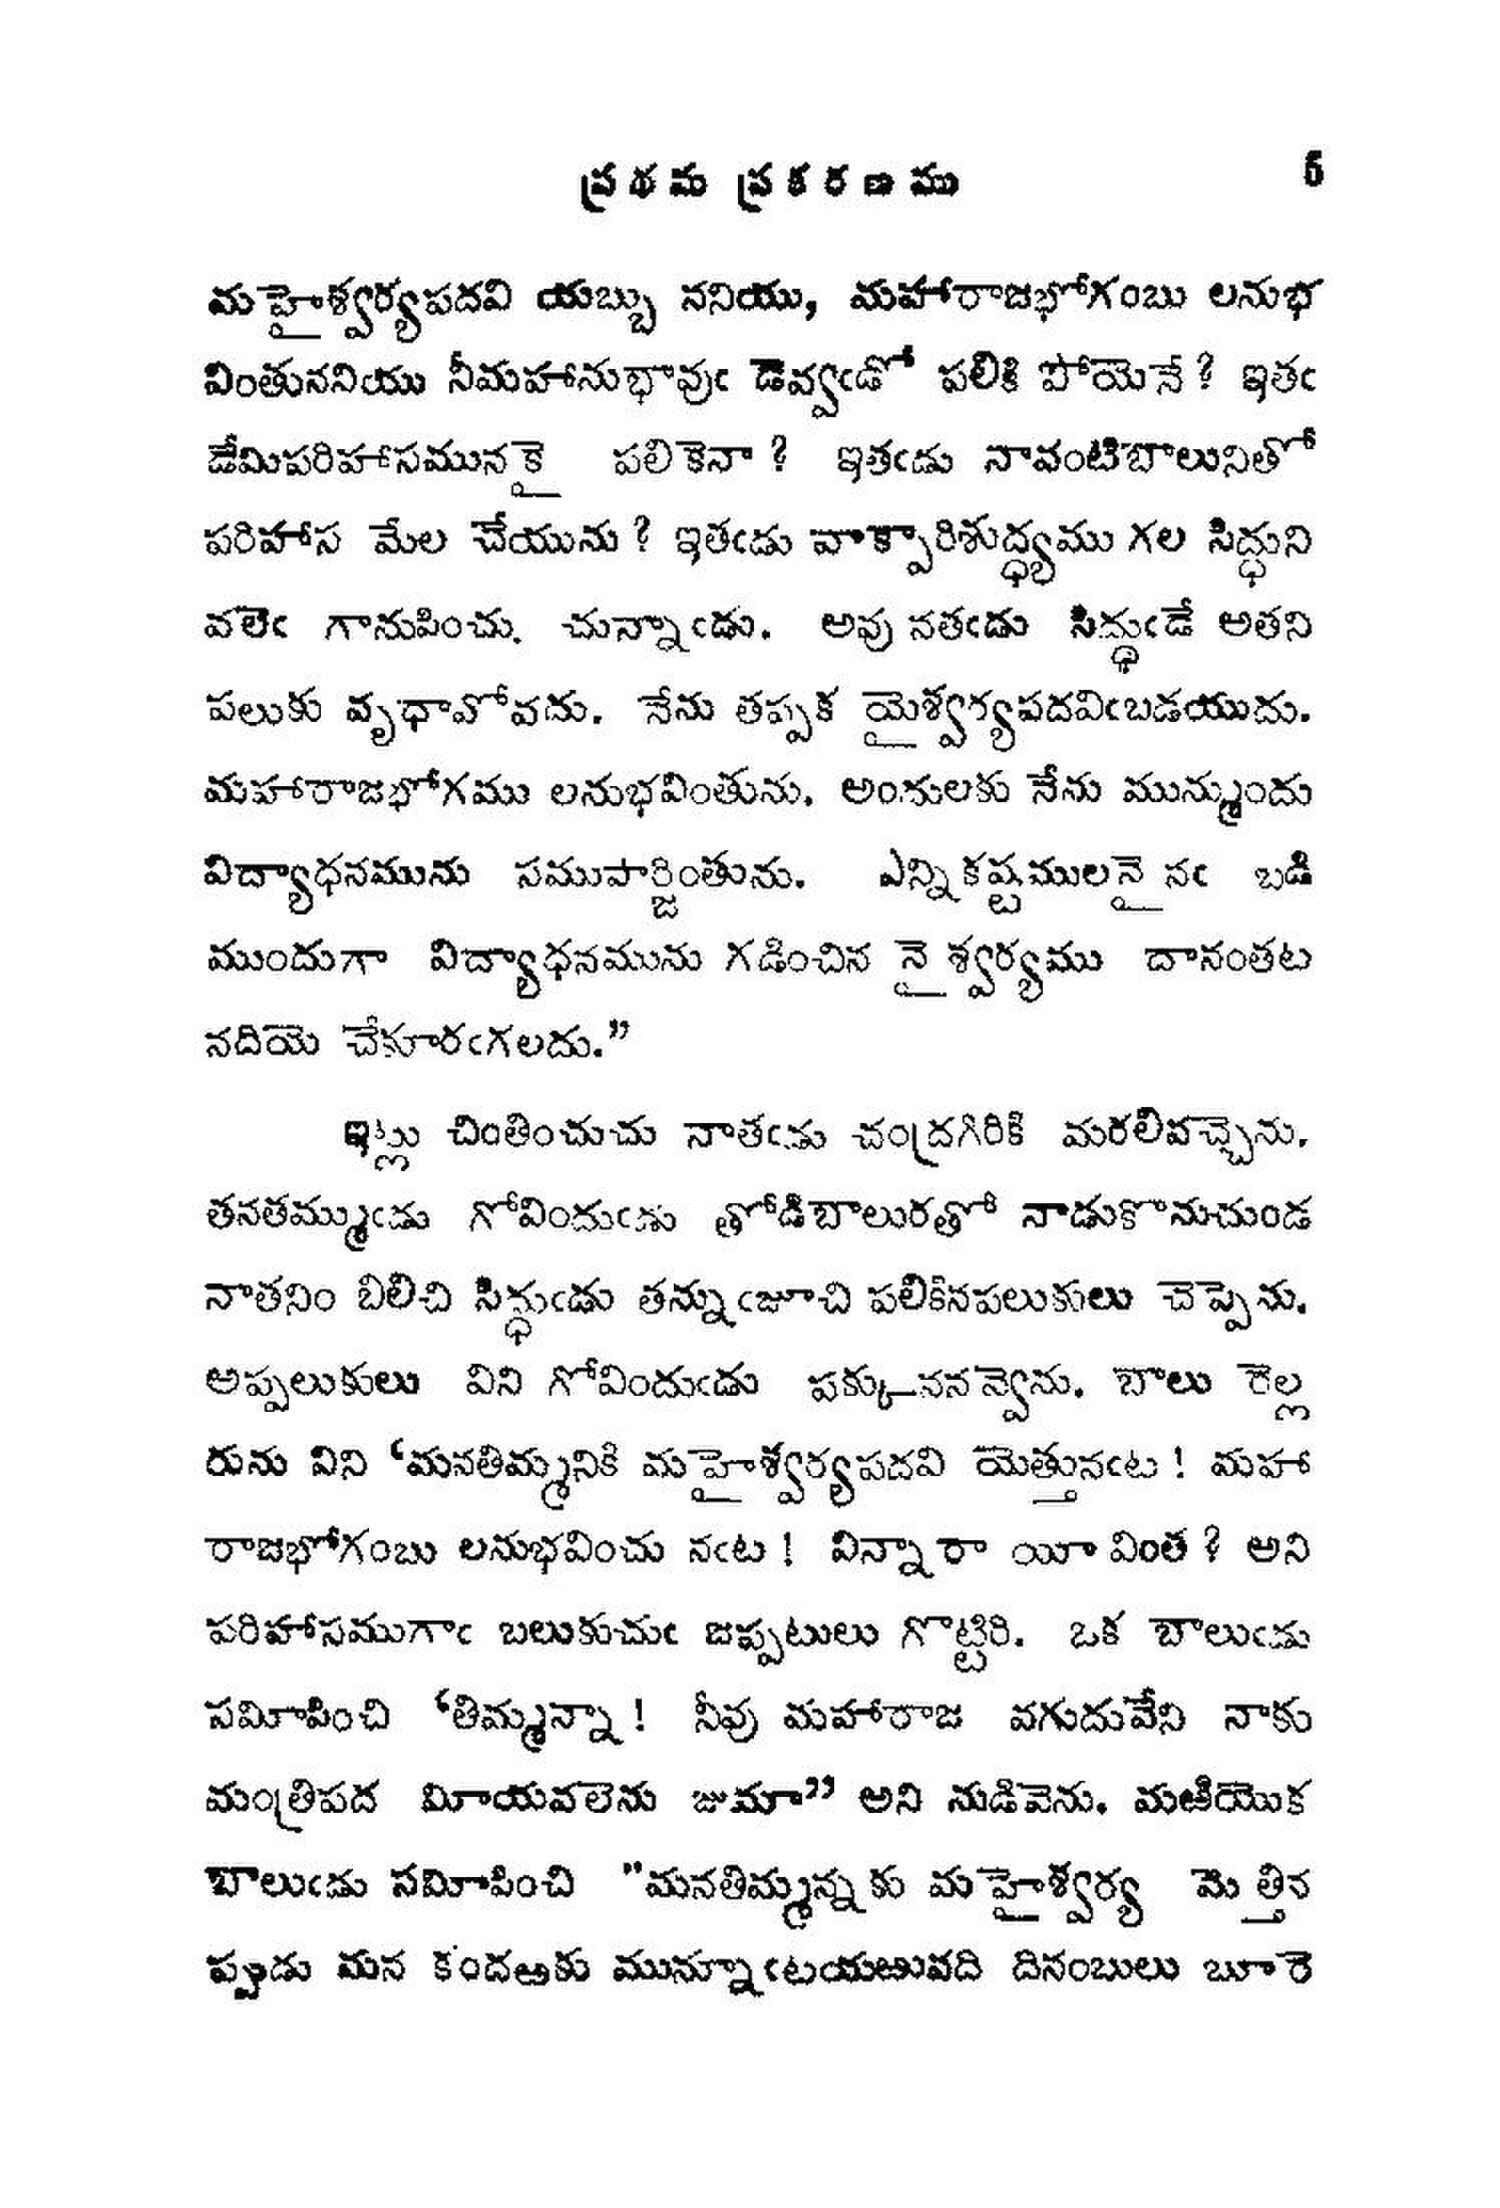మహైశ్వర్యపదవి యబ్బు ననియు, మహారాజభోగంబు లనుభవింతుననియు నీమహానుభావుఁ డెవ్వఁడో పలికి పోయెనే? ఇతఁ డేమిపరిహాసమునకై పలికెనా? ఇతఁడు నావంటిబాలునితో పరిహాస మేల చేయును? ఇతఁడు వాక్పారిశుద్ధ్యము గల సిద్ధునివలెఁ గానుపించు చున్నాఁడు. అవు నతఁడు సిద్ధుఁడే అతని పలుకు వృధావోవదు. నేను తప్పక యైశ్వర్యపదవిఁబడయుదు. మహారాజభోగము లనుభవింతును. అందులకు నేను మున్ముందు విద్యాధనమును సముపార్జింతును. ఎన్నికష్టములనైనఁ బడి ముందుగా విద్యాధనమును గడించిన నైశ్వర్యము దానంతట నదియె చేకూరఁగలదు.”

ఇట్లు చింతించుచు నాతఁడు చంద్రగిరికి మరలివచ్చెను. తనతమ్ముఁడు గోవిందుఁడు తోడిబాలురతో నాడుకొనుచుండ నాతనిం బిలిచి సిద్ధుఁడు తన్నుఁజూచి పలికినపలుకులు చెప్పెను. అప్పలుకులు విని గోవిందుఁడు పక్కుననవ్వెను. బాలు రెల్లరును విని 'మనతిమ్మనికి మహైశ్వర్యపదవి యెత్తునఁట! మహారాజభోగంబు లనుభవించు నఁట ! విన్నారా యీ వింత? అని పరిహాసముగాఁ బలుకుచుఁ జప్పటులు గొట్టిరి. ఒక బాలుఁడు సమీపించి 'తిమ్మన్నా ! నీవు మహారాజ వగుదువేని నాకు మంత్రిపద మీయవలెను జుమా" అని నుడివెను. మఱియొక బాలుఁడు సమీపించి "మనతిమ్మన్నకు మహైశ్వర్య మెత్తినప్పుడు మన కందఱకు మున్నూఁటయఱువది దినంబులు బూరె